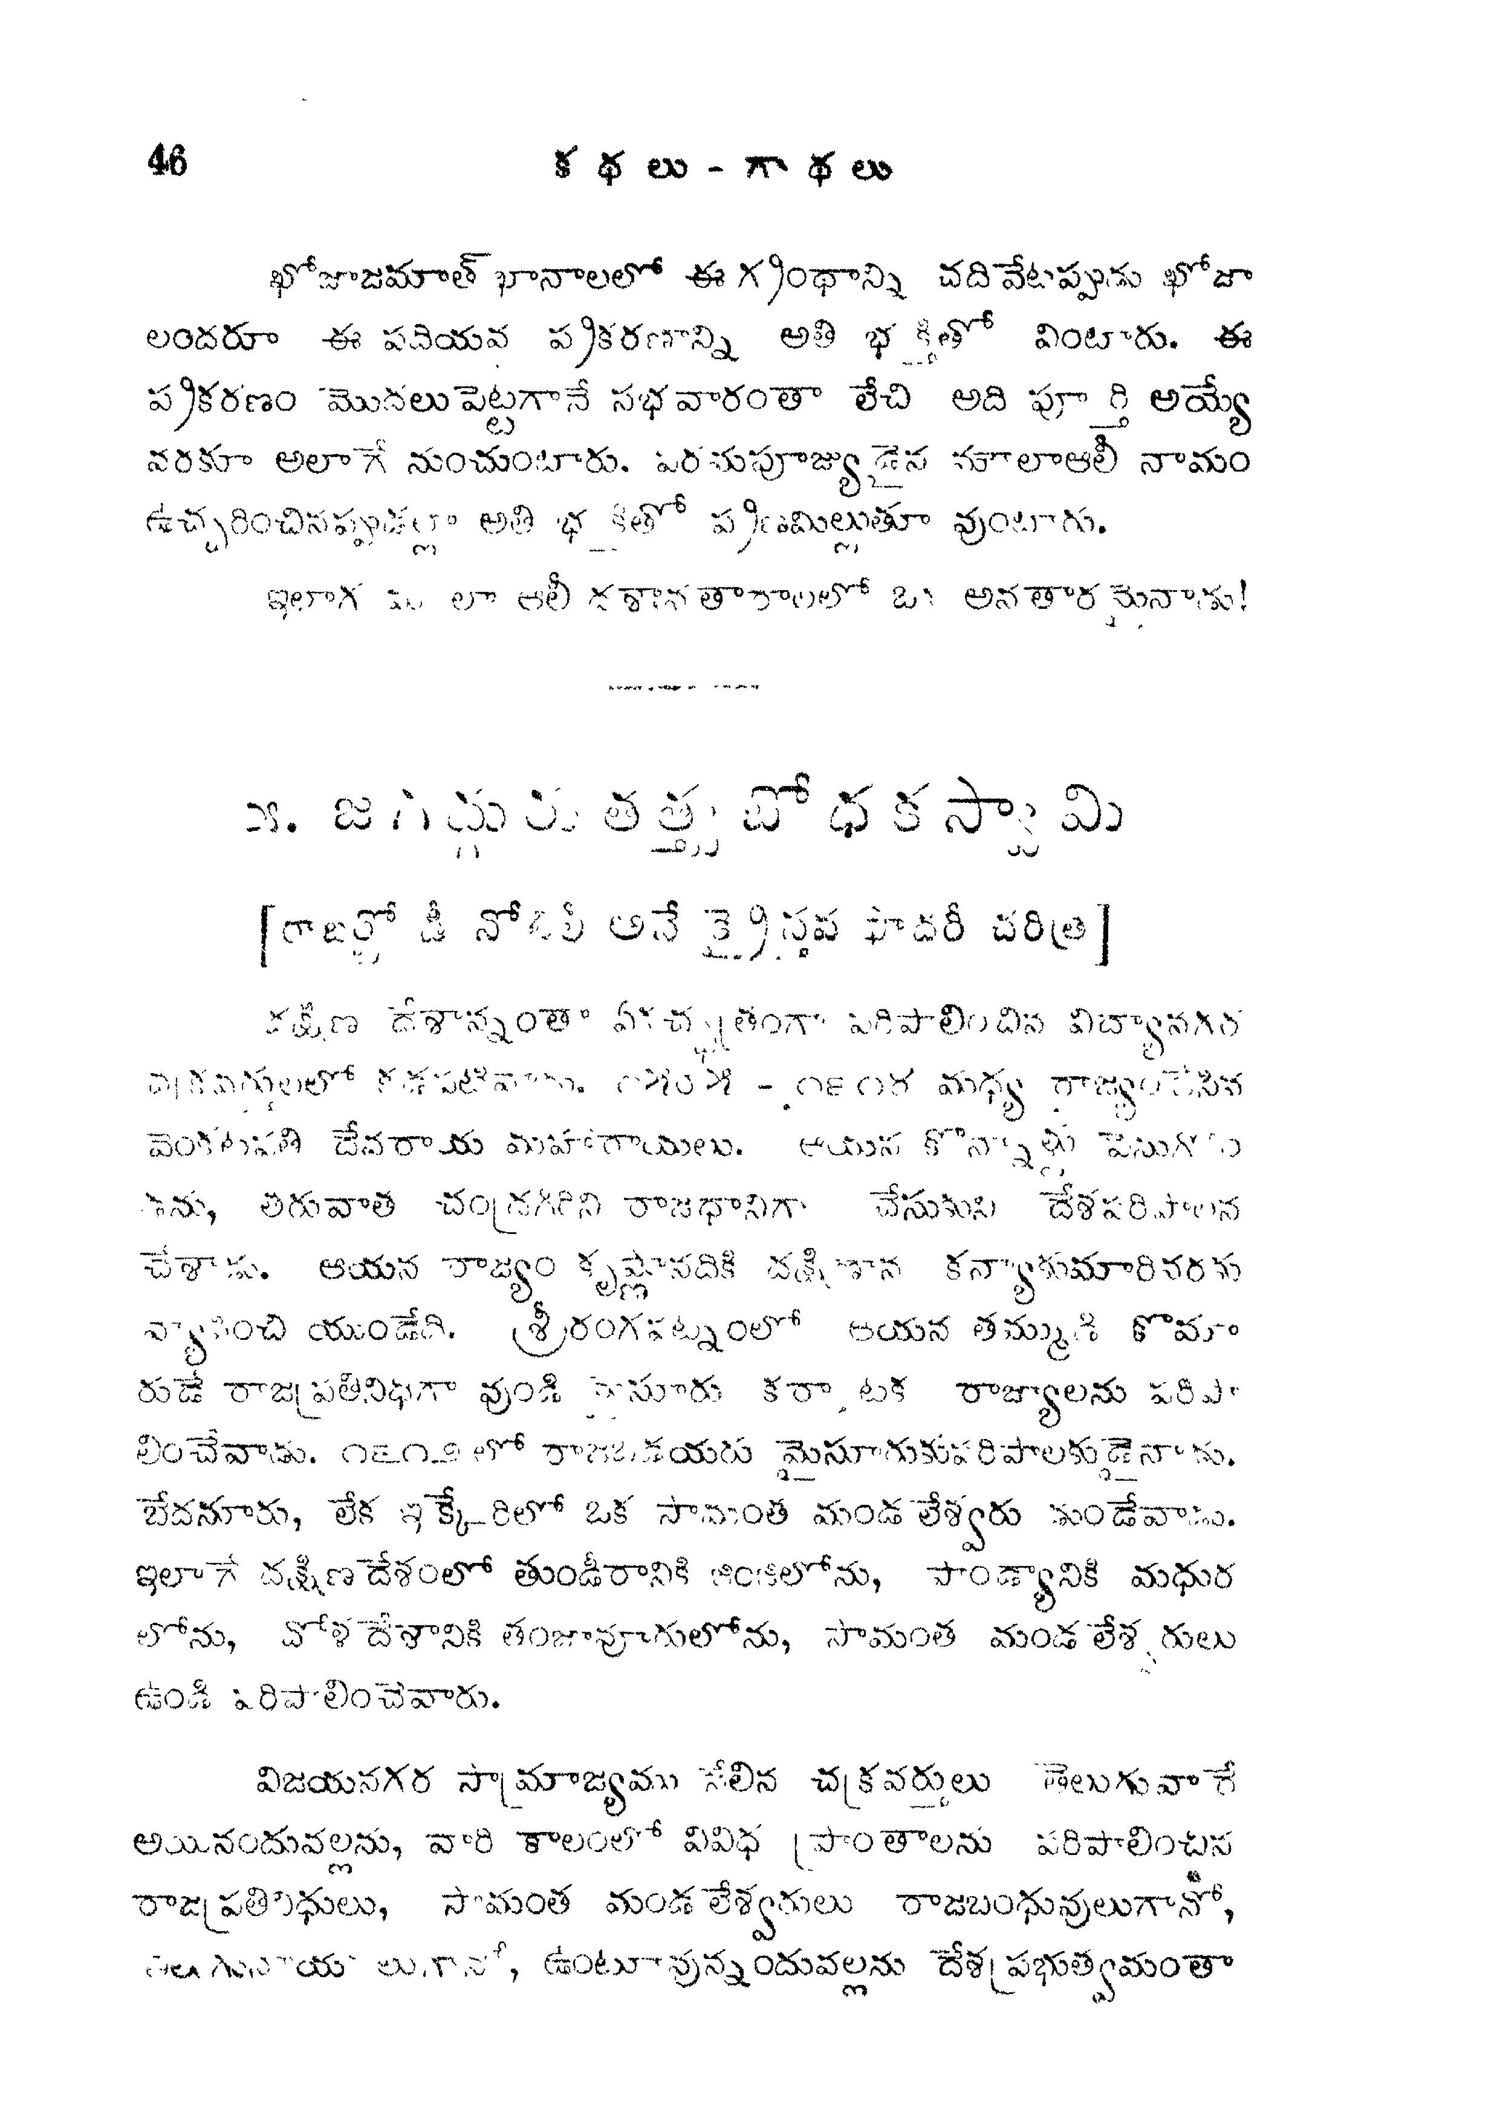ఖోజాజమాత్ ఖానాలలోఈగ్రంధాన్ని చదివేటప్పుడు ఖోజాలందరూ ఈ పదియవ ప్రకరణాన్ని అతి భక్తితో వింటారు. ఈ ప్రకరణం మొదలుపెట్టగానే సభవారంతా లేచి అది పూర్తిఅయ్యేవరకూ అలాగ నుంచుంటారు. పరమపూజ్యుడైన మౌలాఅలీ నామం ఉచ్చరించినప్పుడల్లా అతి భక్తితో ప్రణమిల్లుతూ వుంటారు.

ఇలాగ మౌలా ఆలీ దశావతారాలలో ఒక అవతారమైనాడు !

దక్షిణ దేశాన్నంతా ఏకచ్చత్రంగా పరిపాలించిన విద్యానగర చక్రవర్తులలో గడపటివారగు 1885 - 1914 మధ్య రాజ్యంచేసిన వెంగటపతి దేవరాయ మహారాజులు ఆయన కొన్నాళ్ళు పెనుగొండను, తరువాతి చంద్రగిరిని రాజధానిగా చేసుకుని దేశపరిపాలన చేశాడు. ఆయన రాజ్యం కృష్ణానదికి దక్షిణాన కన్యాకుమారివరకు వ్యాపించి యుండేది. శ్రీరంగపట్నంలో ఆయన తమ్ముడి కొమారుడే రాజప్రతినిధిగా వుండి మైసూరు కర్నాటక రాజ్యాలను పరిపాలించేవాడు. 1612 లో రాజఓడయరు మైసూరుకుపరిపాలకుడైనాడు. బేదనూరు, లేక ఇక్కేరీలో ఒక సామంత మండలేశ్వరు డుండేవాడు. ఇలాగే దక్షిణదేశంలో తుండీరానికి జింజిలోను, పాండ్యానికి మధురలోను, చోళదేశానికి తంజావూరులోను, సామంత మండలేశ్వరులు ఉండి పరిపాలించేవారు.

విజయనగర సామ్రాజ్యము నేలిన చక్రవర్తులు తెలుగువారే అయినందువల్లను, వారి కాలంలో వివిధ ప్రాంతాలను పరిపాలించిన రాజ ప్రతినిధులు, సామంత మండలేశ్వరులు రాజబంధువులుగానో, తెలుగునాయకులుగానో ఉంటూవున్నందువల్లను దేశప్రభుత్వమంతా